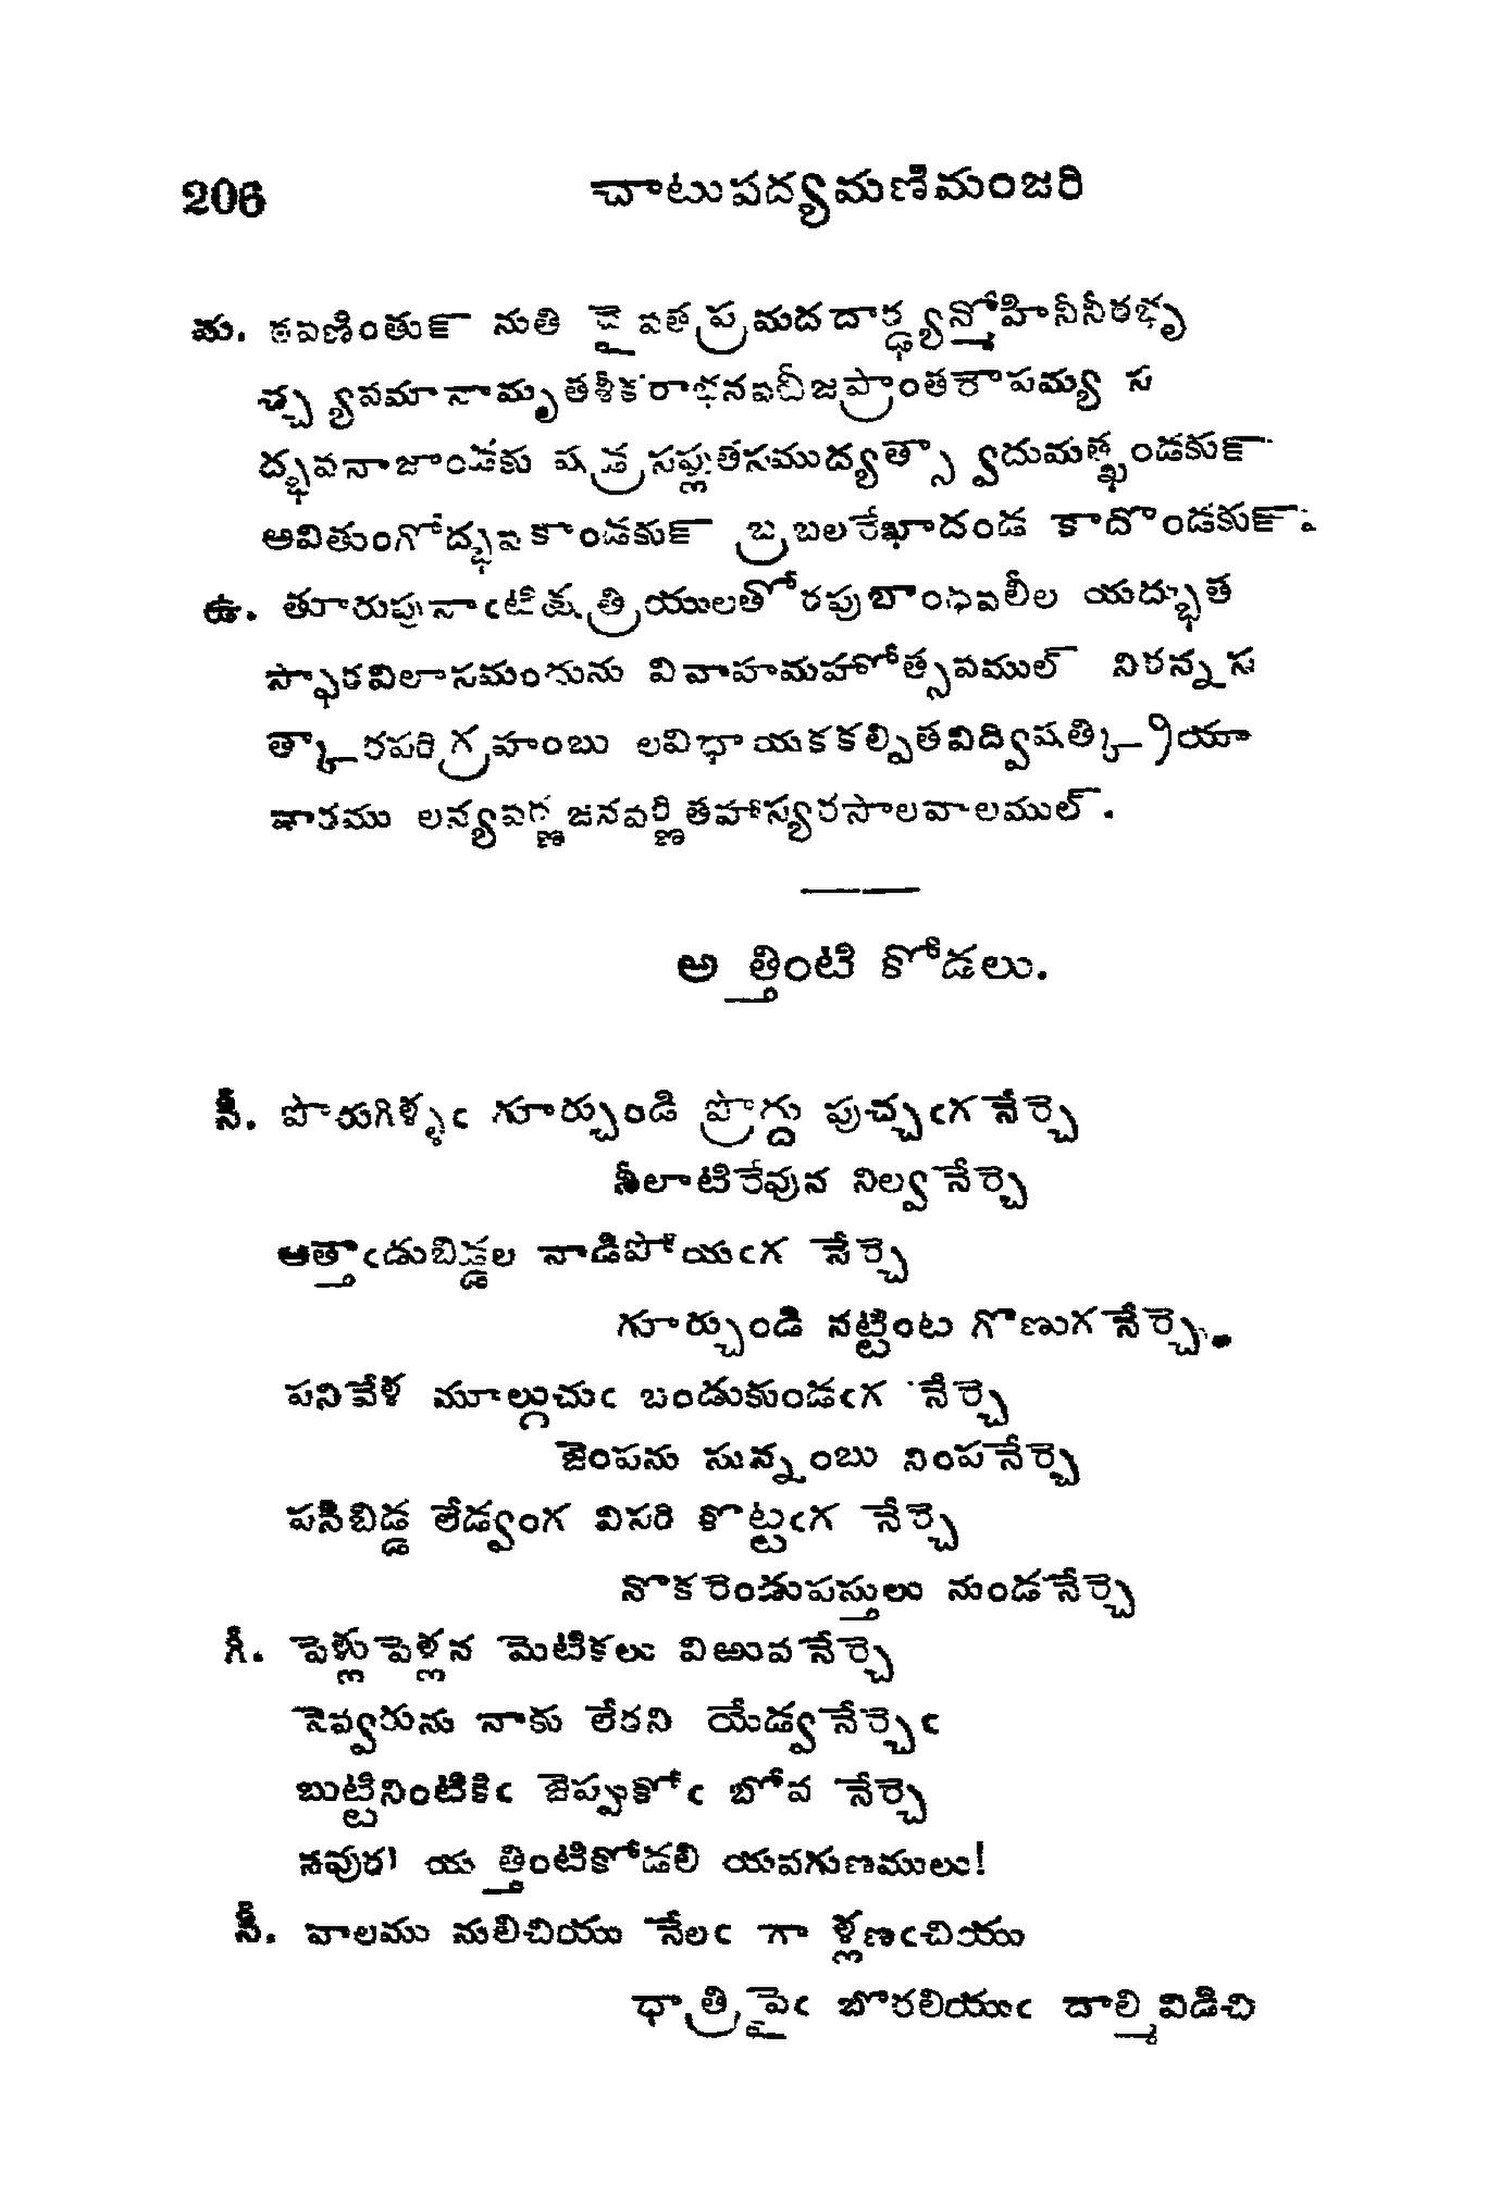మ. ఠవణింతున్ నుతి దైవతప్రమదదార్ఢ్యన్మోహినీనీరభృ
 చ్చ్యవమానామృతశీకరాభనవబీజప్రాంతరౌపమ్యస
 ద్భవనాజాండకు షడ్రసప్లుతసముద్యత్స్వాదుమత్ఖండకున్
 అవితుంగోద్భవకాండకున్ బ్రబలరేఖాదండ కాదొండకున్.
ఉ. తూరుపునాఁటిక్షత్రియులతోరపుబాంధవలీల యద్భుత
 స్ఫారవిలాసమందును వివాహమహోత్సవముల్ నిరన్నస
 త్కారపరిగ్రహంబు లవిధాయకకల్పితవిద్విషత్క్రియా
 వారము లన్యవర్ణజనవర్ణితహాస్యరసాలవాలముల్.

సీ. పొరుగిళ్ళఁ గూర్చుండి ప్రొద్దు పుచ్చఁగ నేర్చె
 నీలాటిరేవున నిల్వ నేర్చె
 అత్తాఁడుబిడ్డల నా
 గూర్చుండి నట్టింట గొణుగ నేర్చె
 పనివేళ మూల్గుచుఁ బండుకుండఁగ నేర్చె
 జెంపను సున్నంబు నింప నేర్చె
 పసిబిడ్డ లేడ్వంగ విసరి కొట్టఁగ నేర్చె
 నొకరెండుపస్తులు నుండ నేర్చె
గీ. పెళ్ళుపెళ్ళన మెటికలు విఱువ నేర్చె
 నెవ్వరును నాకు లేరని యేడ్వ నేర్చెఁ
 బుట్టినింటికి జెప్పుకోఁ బోవ నేర్చె
 నవుర! యత్తింటికోడలి యవగుణములు!
సీ. వాలము నులిచియు నేలఁ గా ళ్ళణఁచియు
 ధాత్రిపైఁ బొరలియుఁ దాల్మివిడిచి